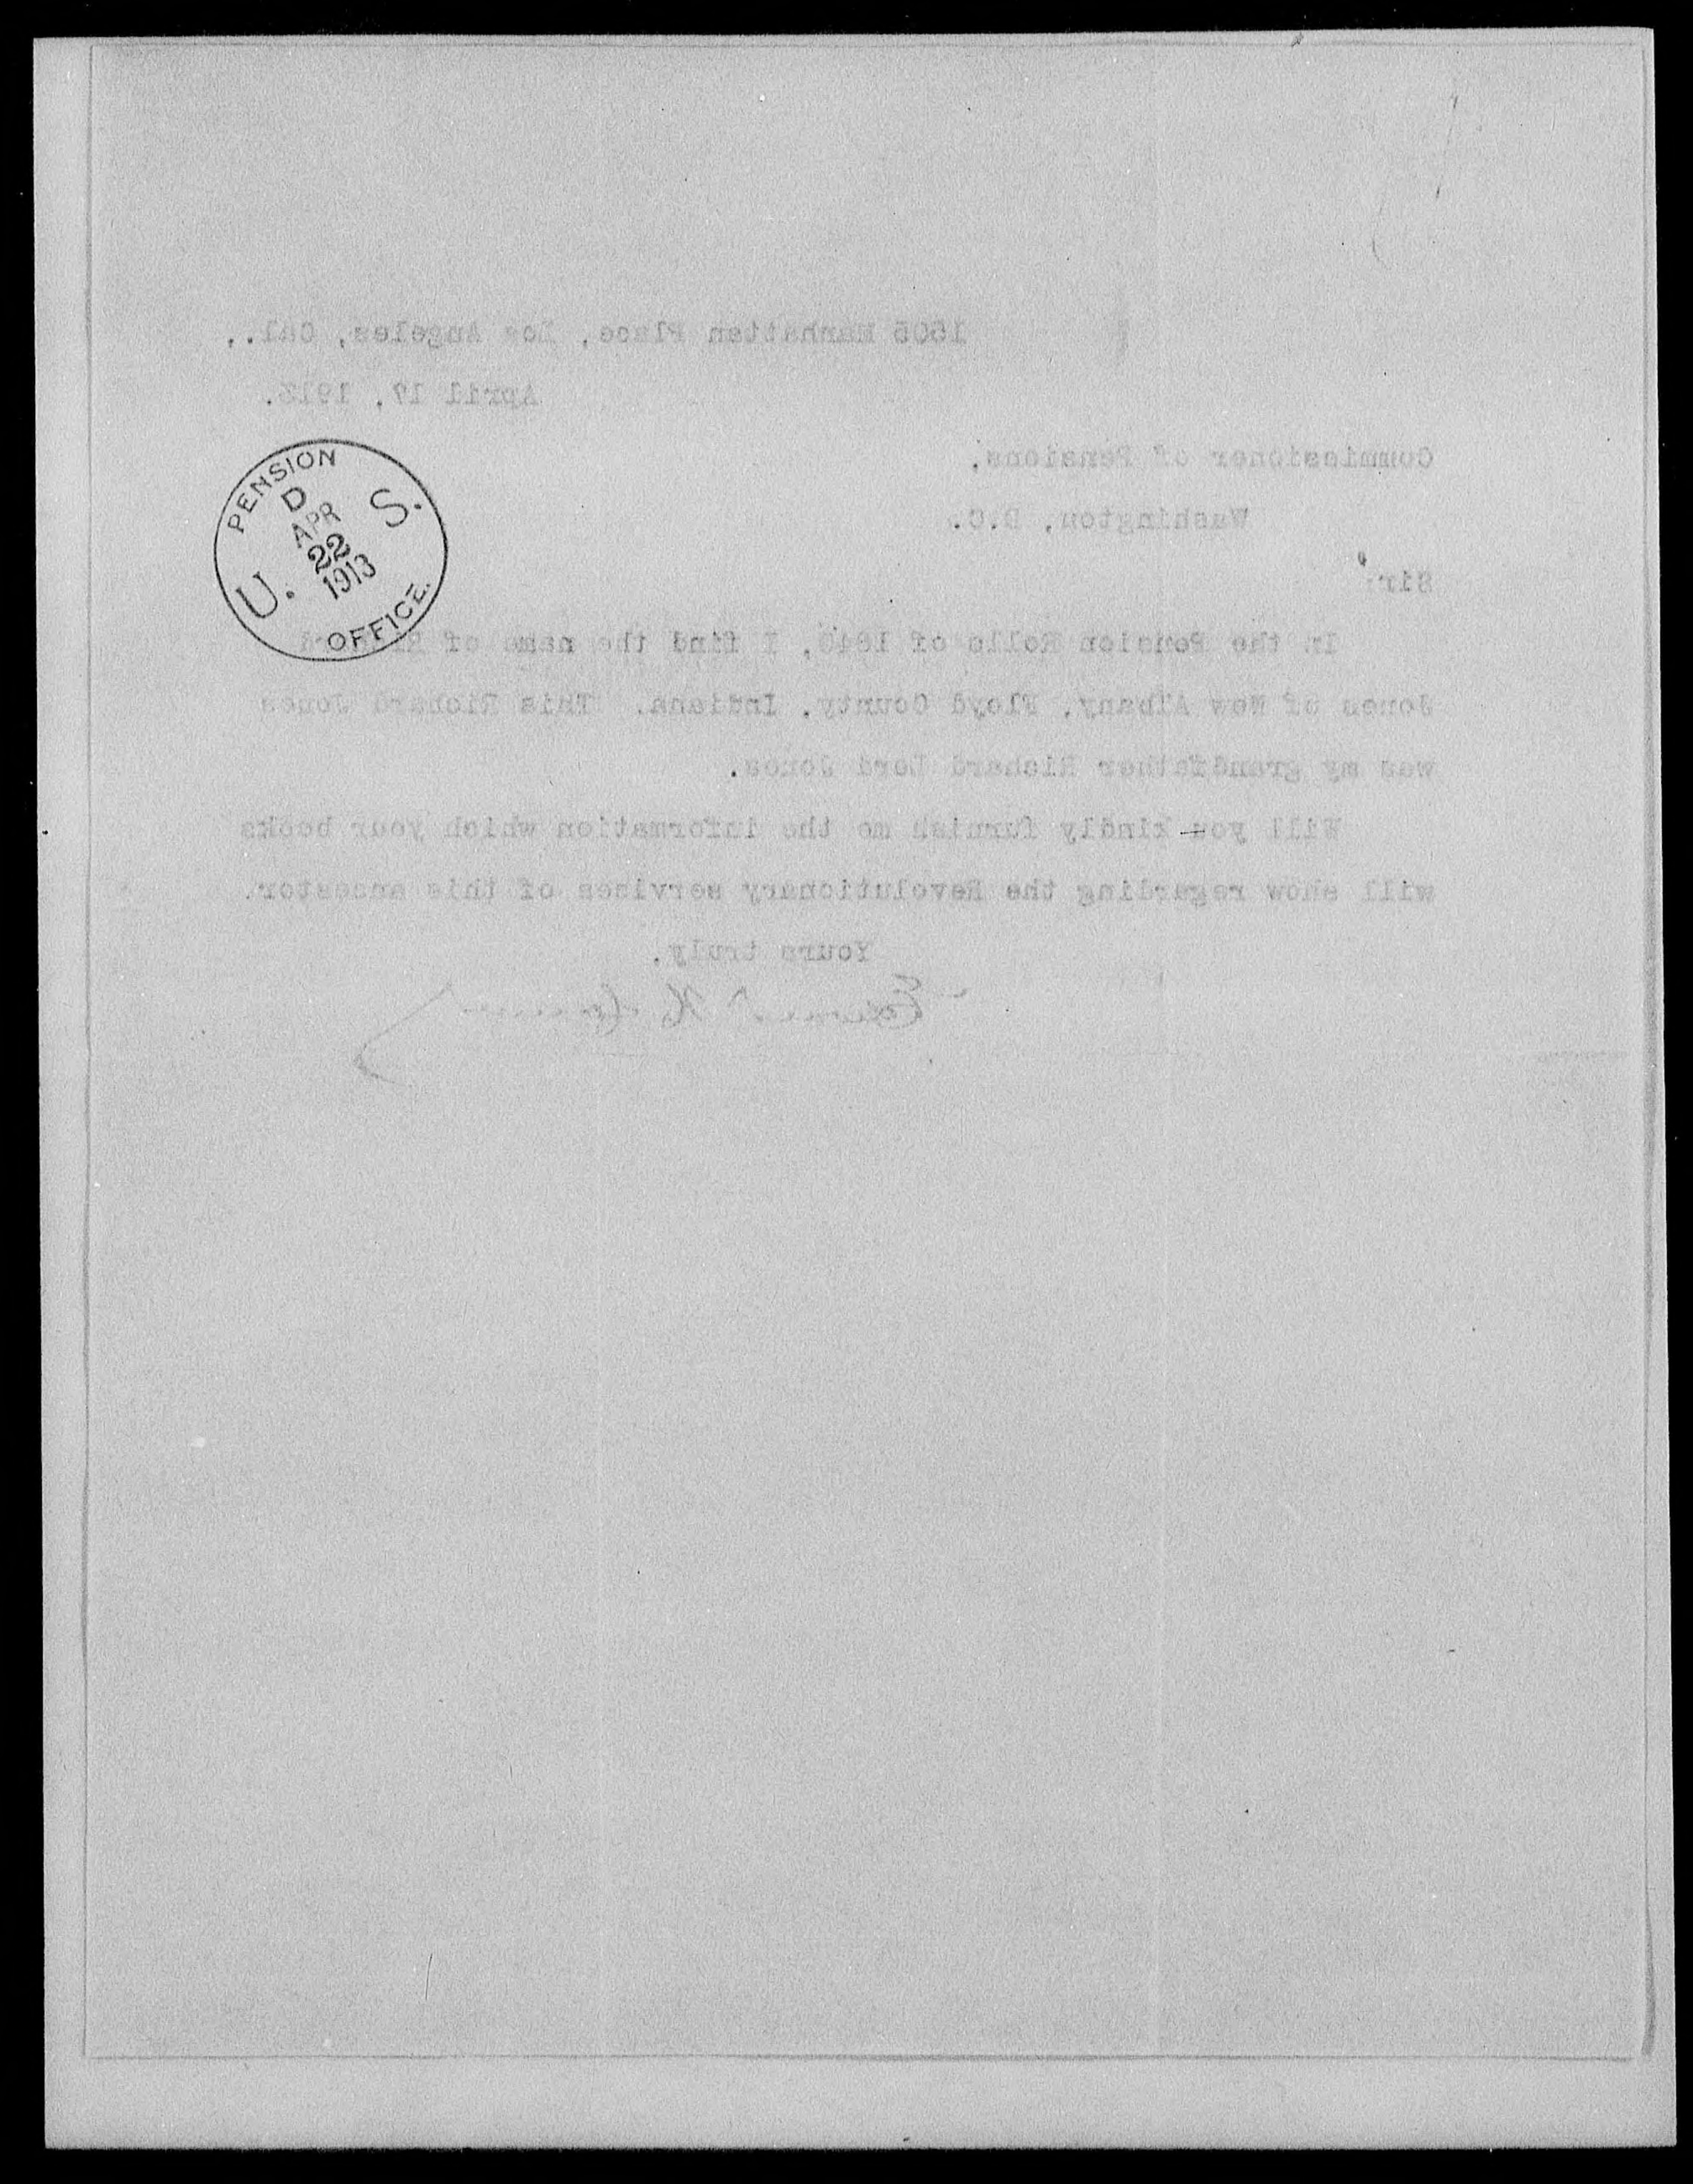[BLACK ROUND STAMP: PENSION U.S. OFFICE D APR 22 1913]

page: 20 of 62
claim: widow's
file: W. 765, for Richard L Jones, Connecticut